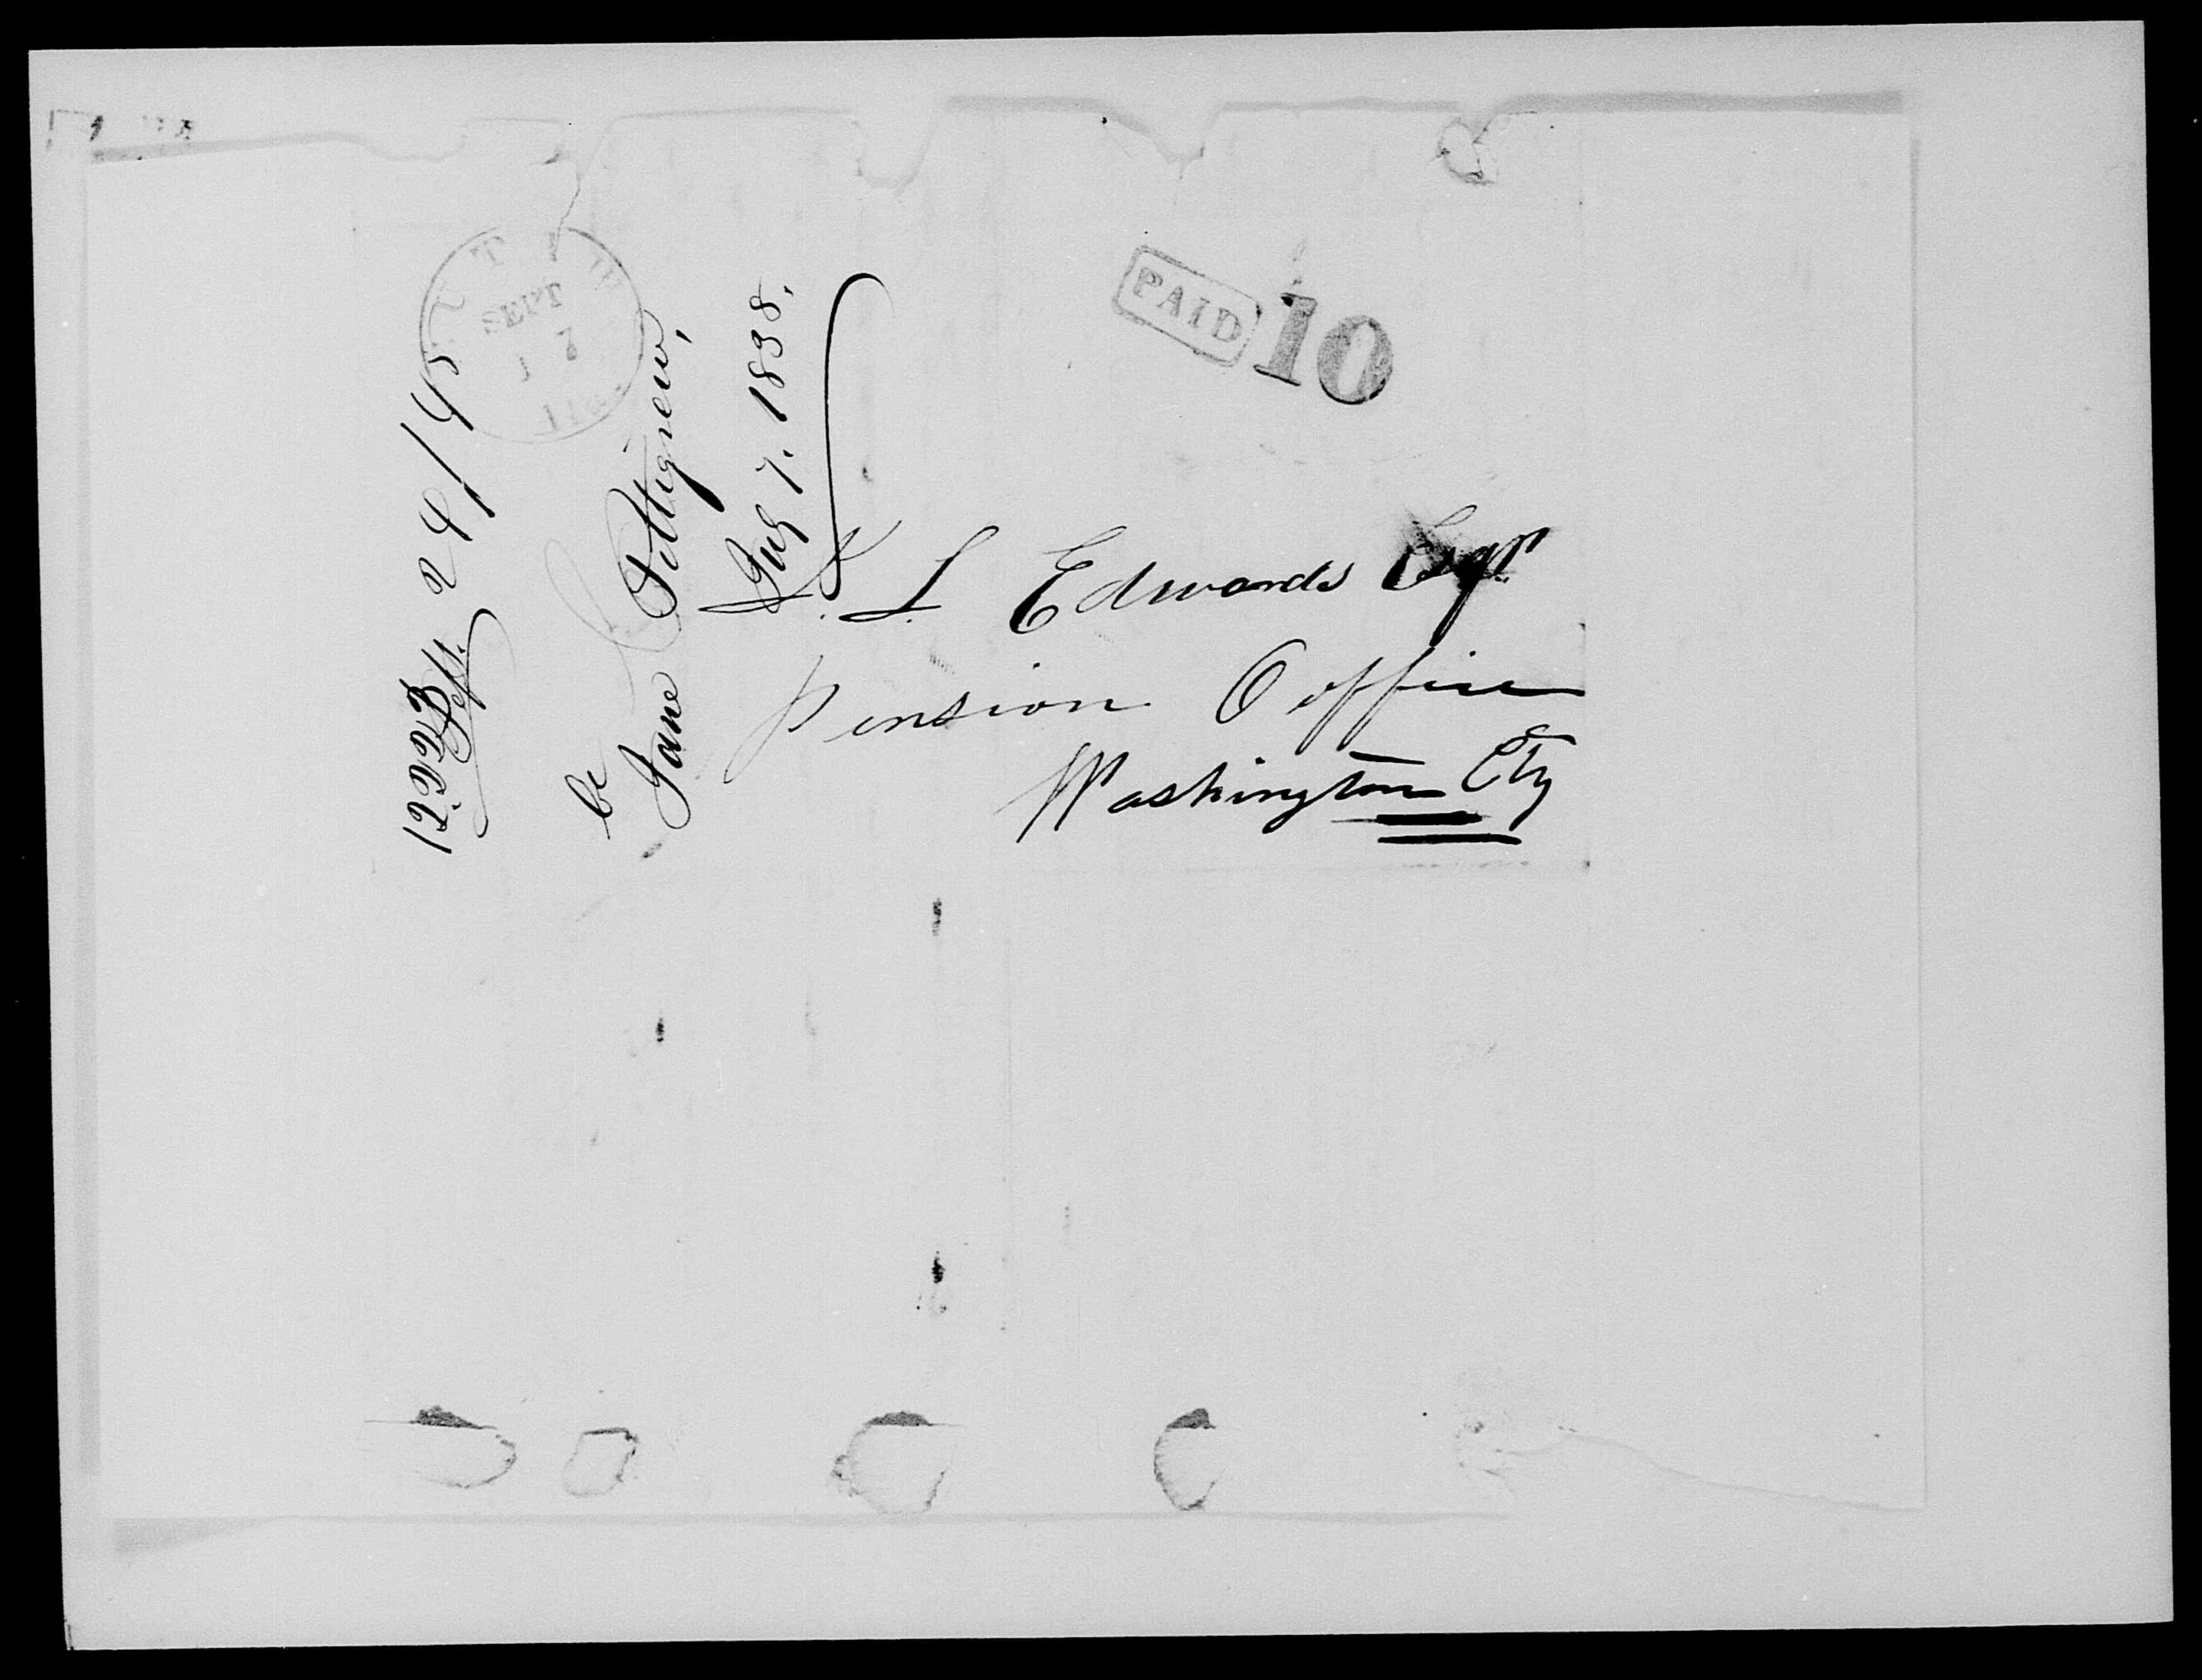J. L. Edwards Esqr
Pension Office
Washington City

122223 24/45
Sept.
To Jane Pettigrew
Jul 7. 1838.

["E U T I M SEPT 17 Ala" ink stamp]
['PAID" ink stamp]
["10" ink stamp]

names: J L Edwards; Jane Pettigrew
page: 46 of 92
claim: widow's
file: W. 5522, for James Pettigrew, South Carolina